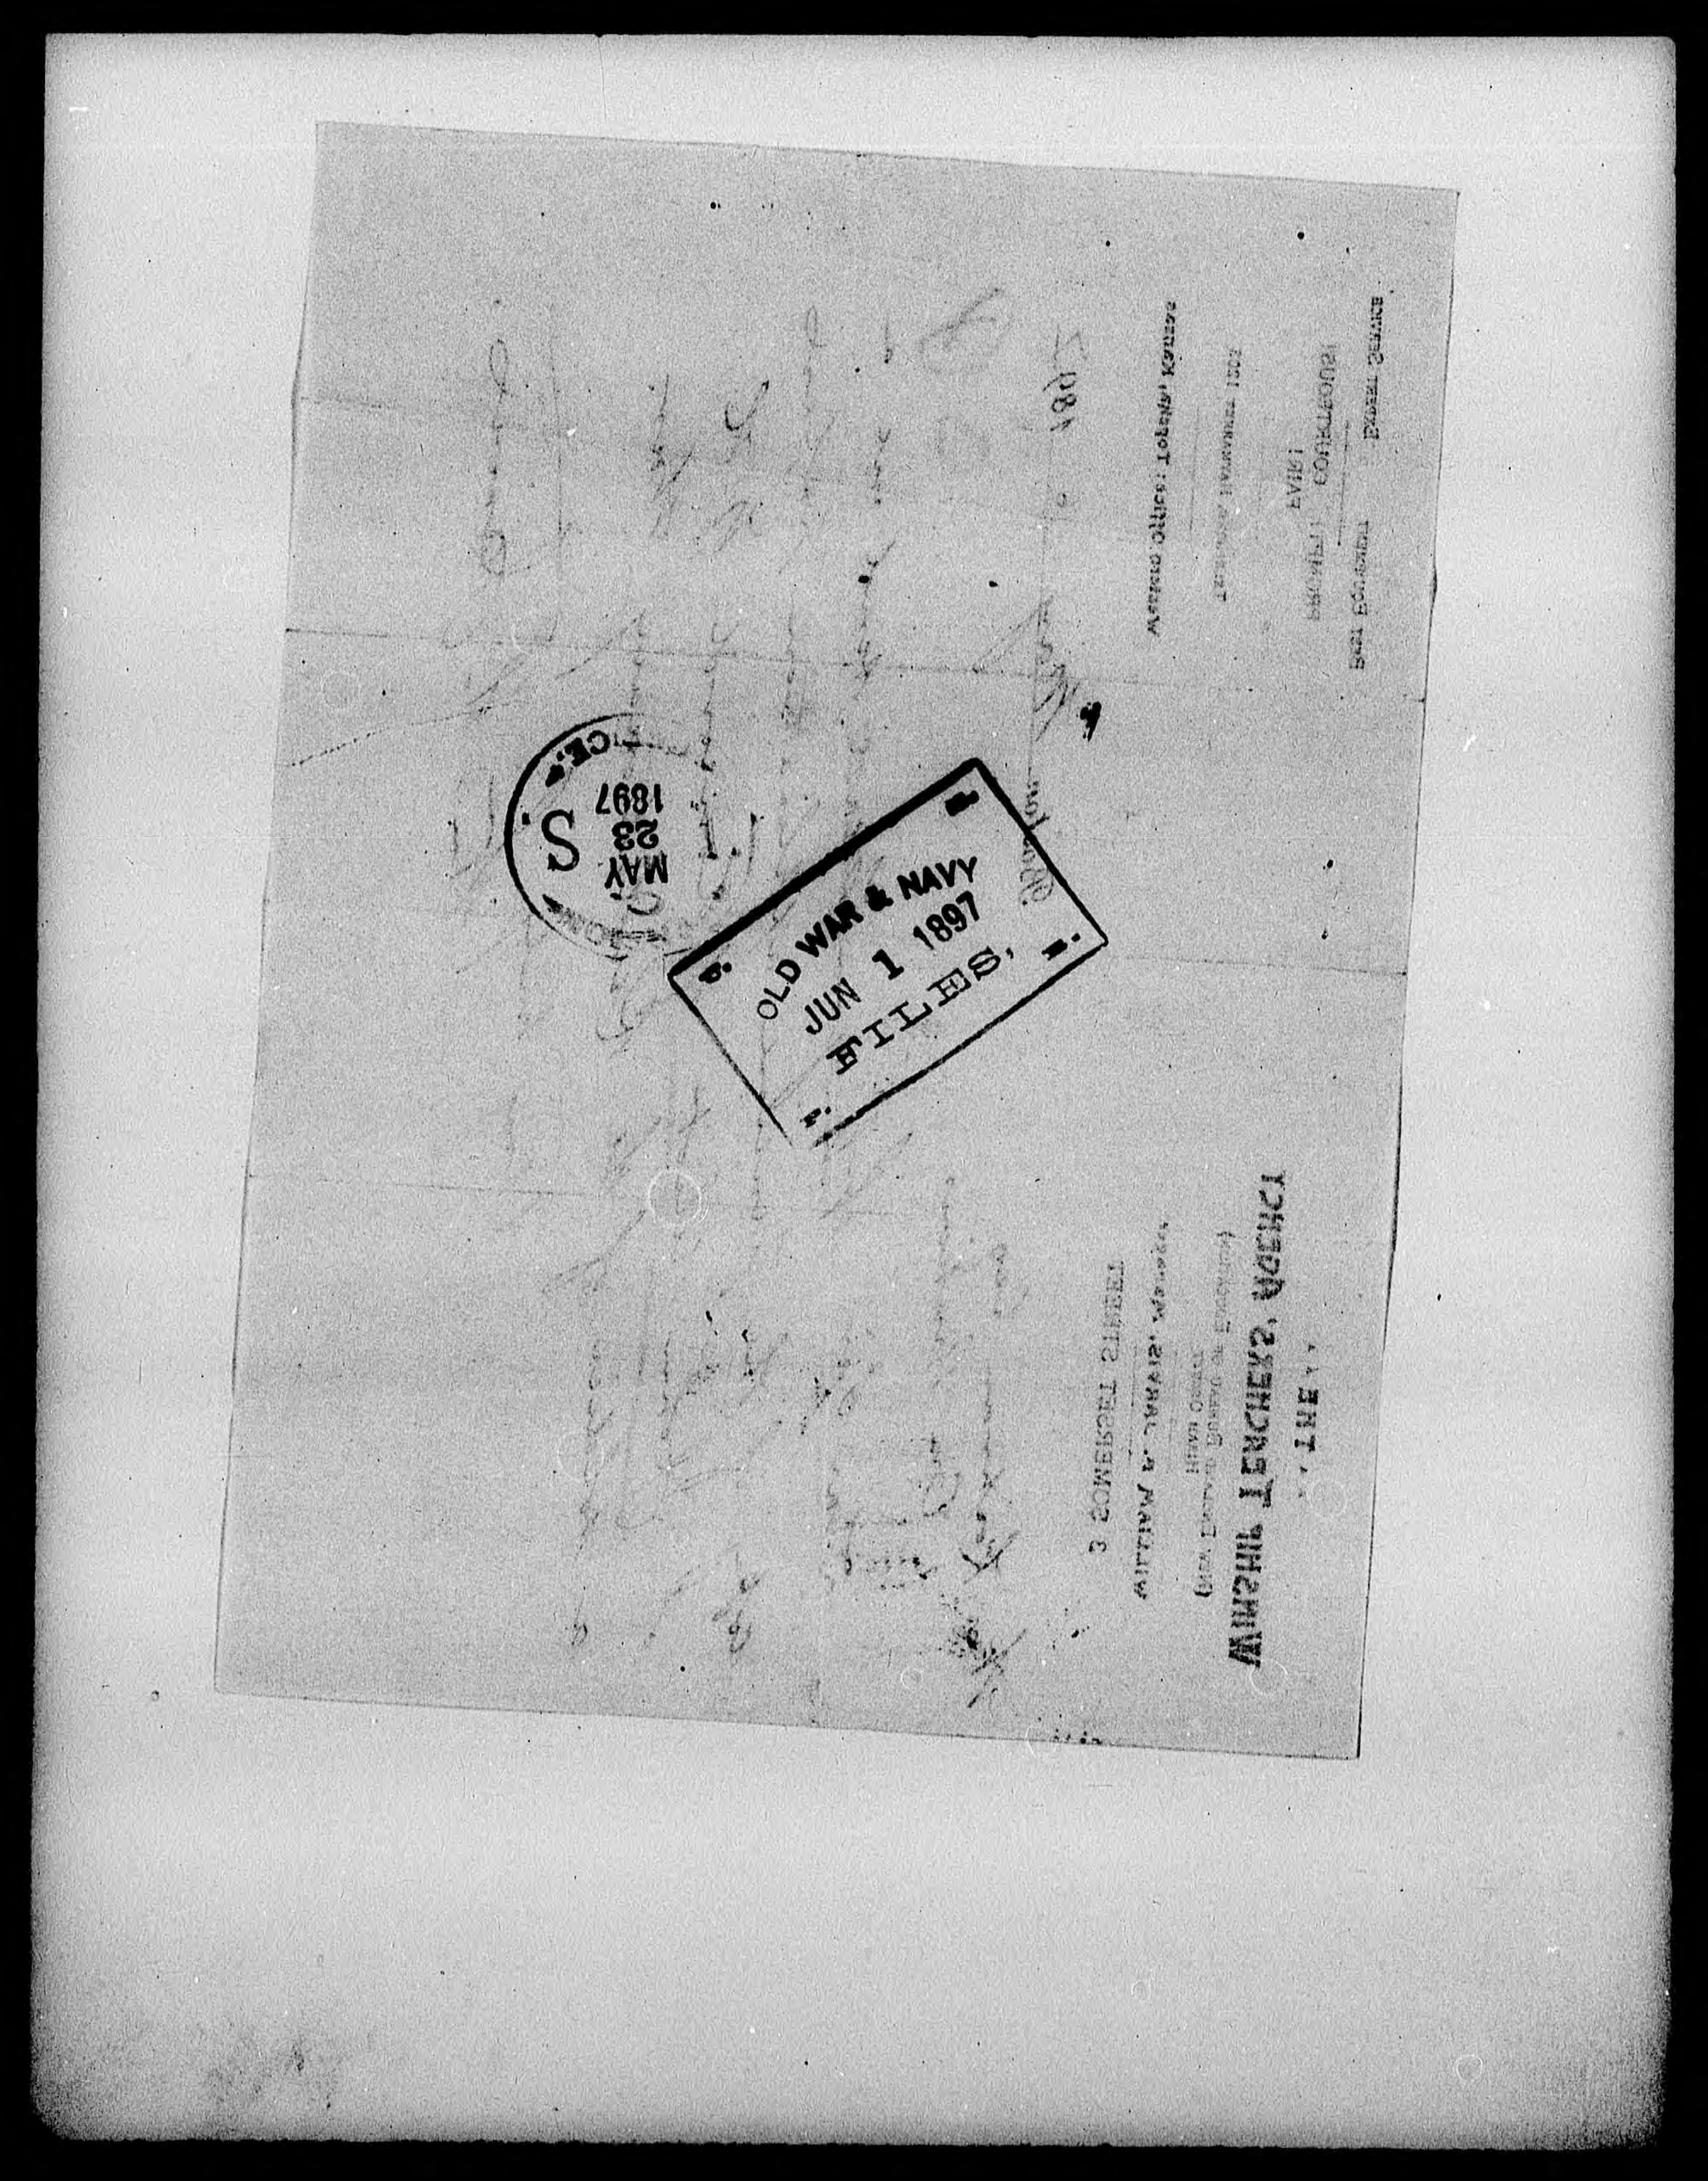[stamped]
OLD WAR & NAVY
JUN 1 1897
BILES
U S [ILLEGIBLE]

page: 21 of 57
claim: widow's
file: W. 16,114, John Elliot, Continental (Mass) N.H.